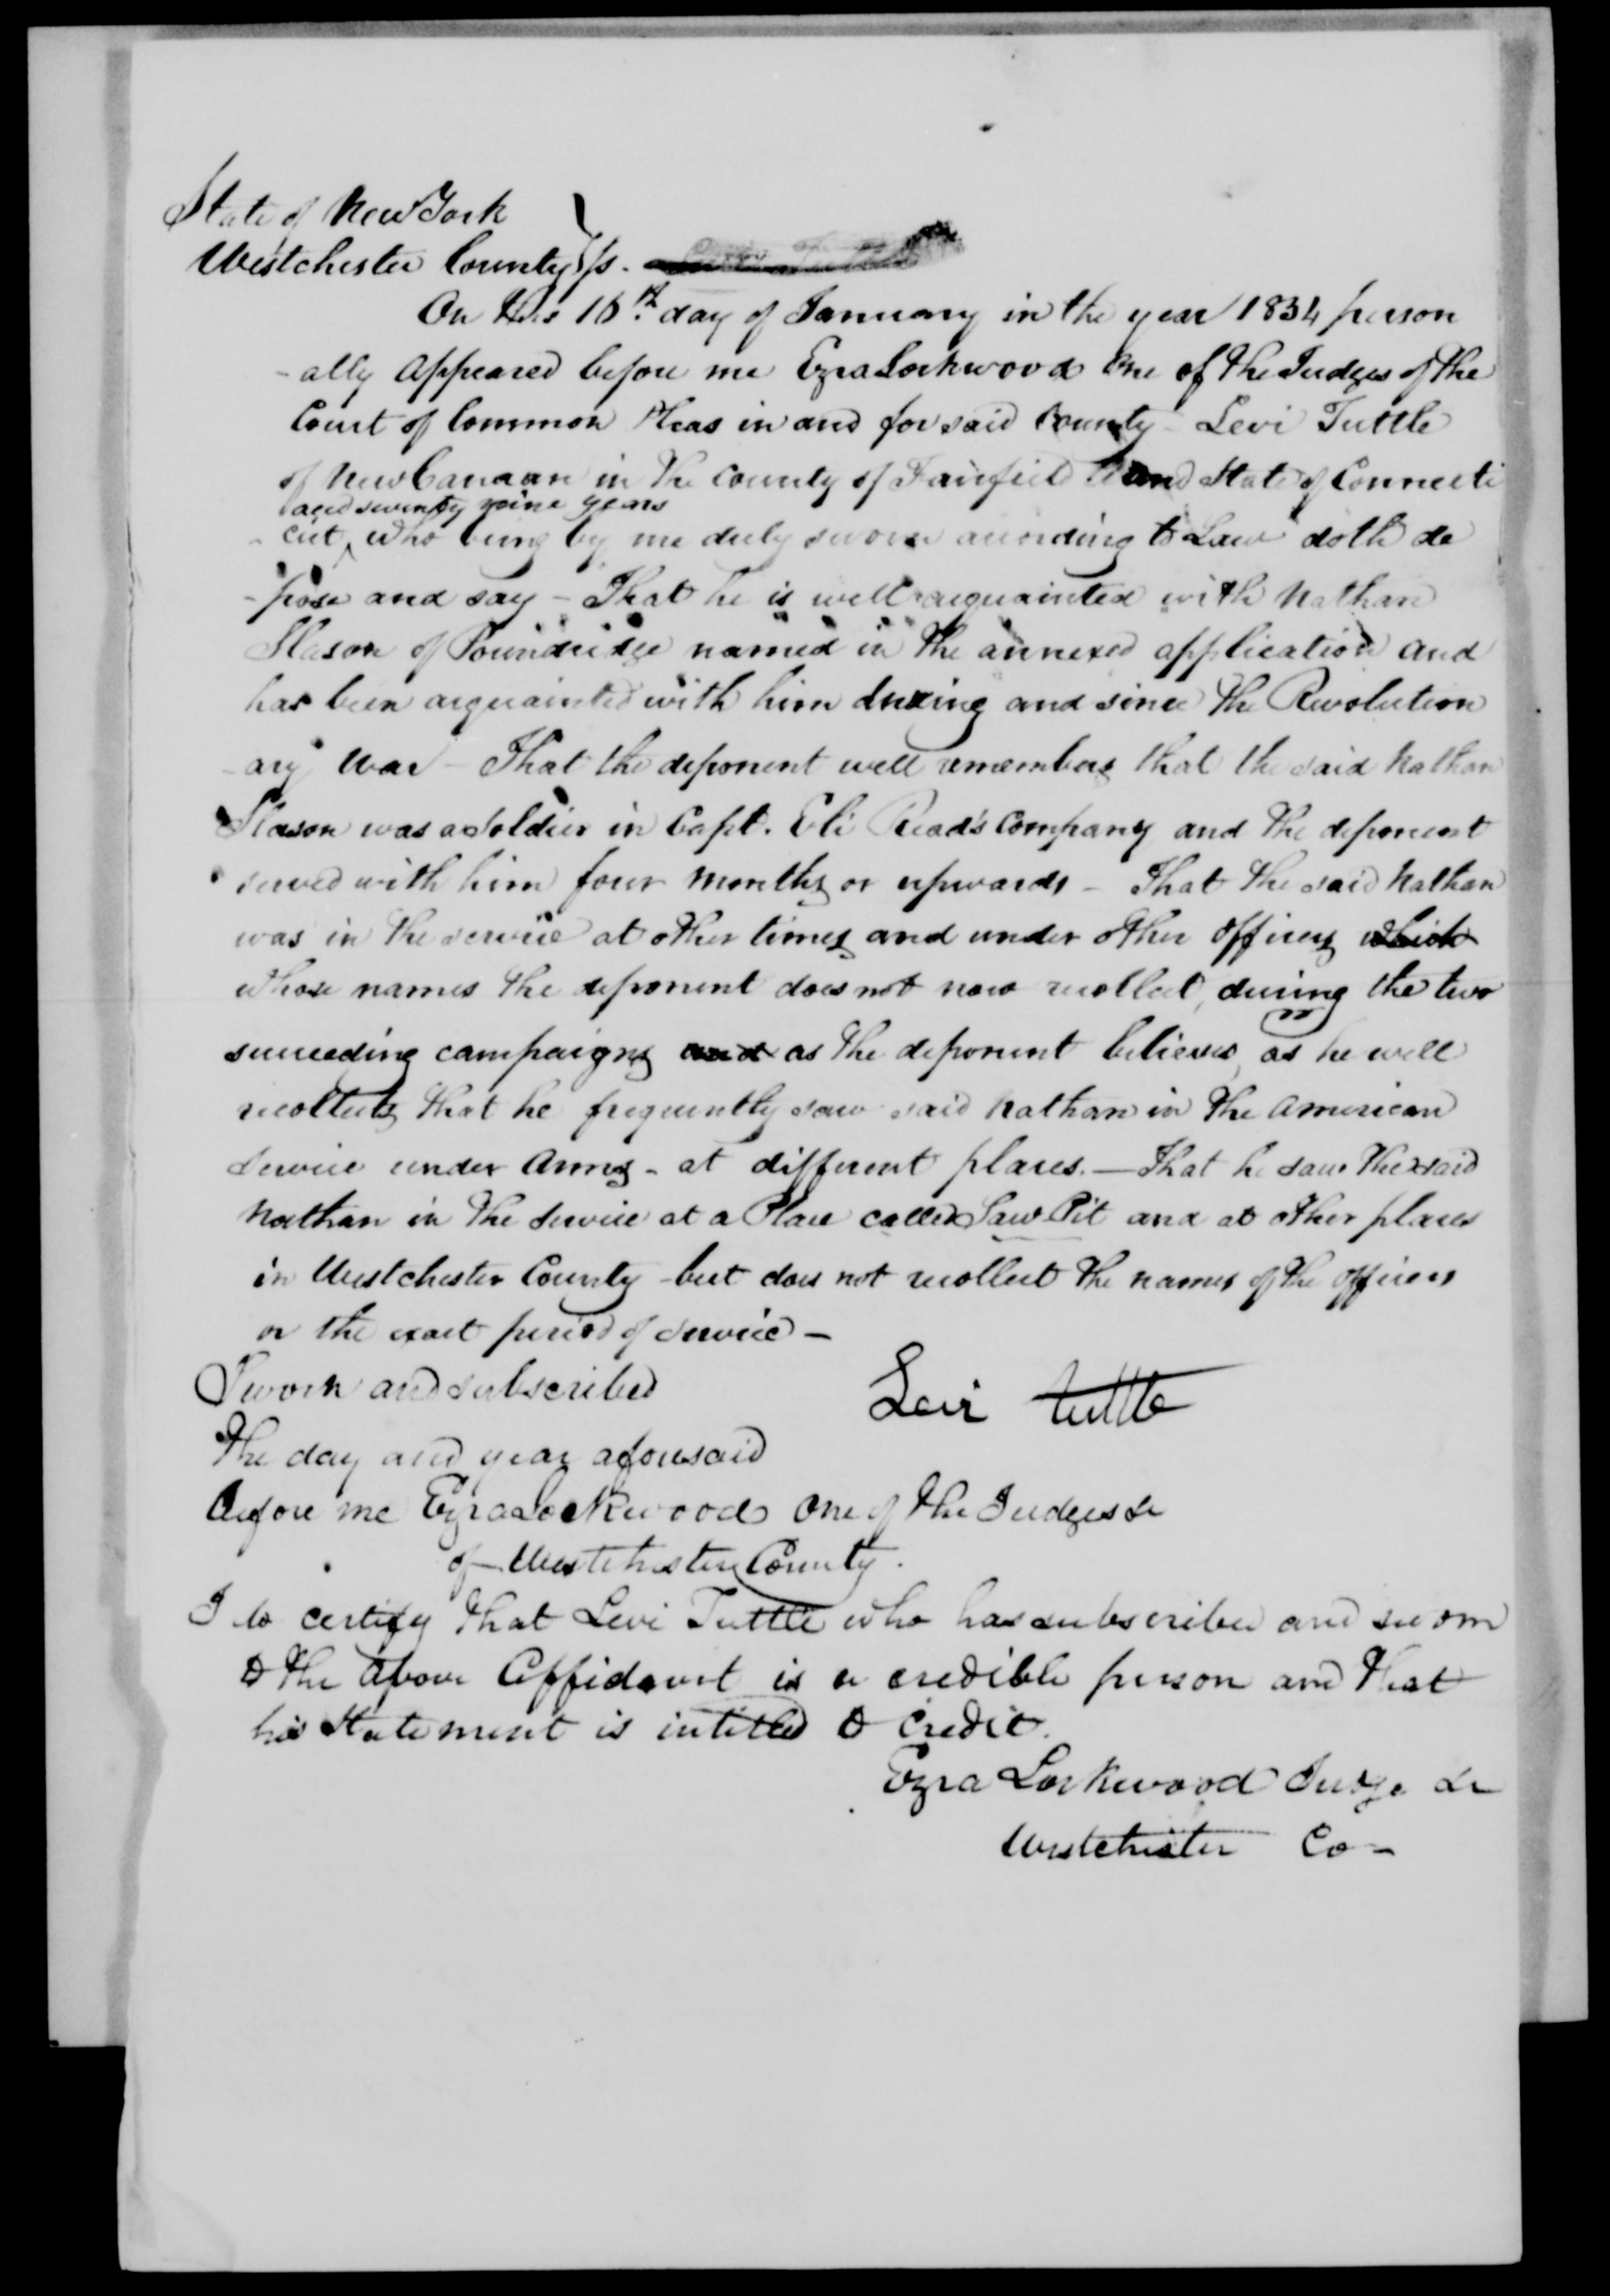State of New York 
Westchester County} ss. On his 16th day of January in the year 1834 personally appeared before me Ezra Lockwood one of the Judges of the Court of Common Pleas in and for said County Levi Tuttle of New Canaan in the County of Fairfield and State of Connecticut who being by me duly sworn according to Law doth de pose and say- That he is well acquainted with Nathan Slawson of Poundridge named in the annexed application and has been acquainted with him during and since the Revolutionary war. That the deponent well remembers that the said Nathan Slawson was a soldier in Capt. Eli Read's Company and the deponent served with him four months or upwards. That the said Nathan was in the service at other times and under other officers which whose names the deponent does not now recollect during the two succeeding campaigns and as the deponent believes, as he well recollects that he frequently saw said Nathan in the American service under arms at different places. That he saw the said Nathan in the service at a place called Saw Pit and at other places in Westchester County but does not recollect the names of the officers or the exact period of service.
Levi Tuttle 
Sworn and subscribed the day and year aforesaid before me 
Ezra Lockwood one of the Judges &c of Westchester County. 
I do certify that Levi Tuttle who has subscribed and sworn to the above affidavit is a credible person and that his statement is entitled to credit 
Ezra Lockwood Judge Westchester Co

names: Nathan [BLANK]; Nathan [BLANK]; Ezra Lockwood; Levi Tuttle; Levi Tuttle; Nathan Slason; Ezra Lockwood; Levi Tuttle; Ezra Lockwood; Nathan Slason; Nathan [BLANK]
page: 68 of 87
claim: widow's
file: W. 22,226, for Nathan Slawson, Connecticut